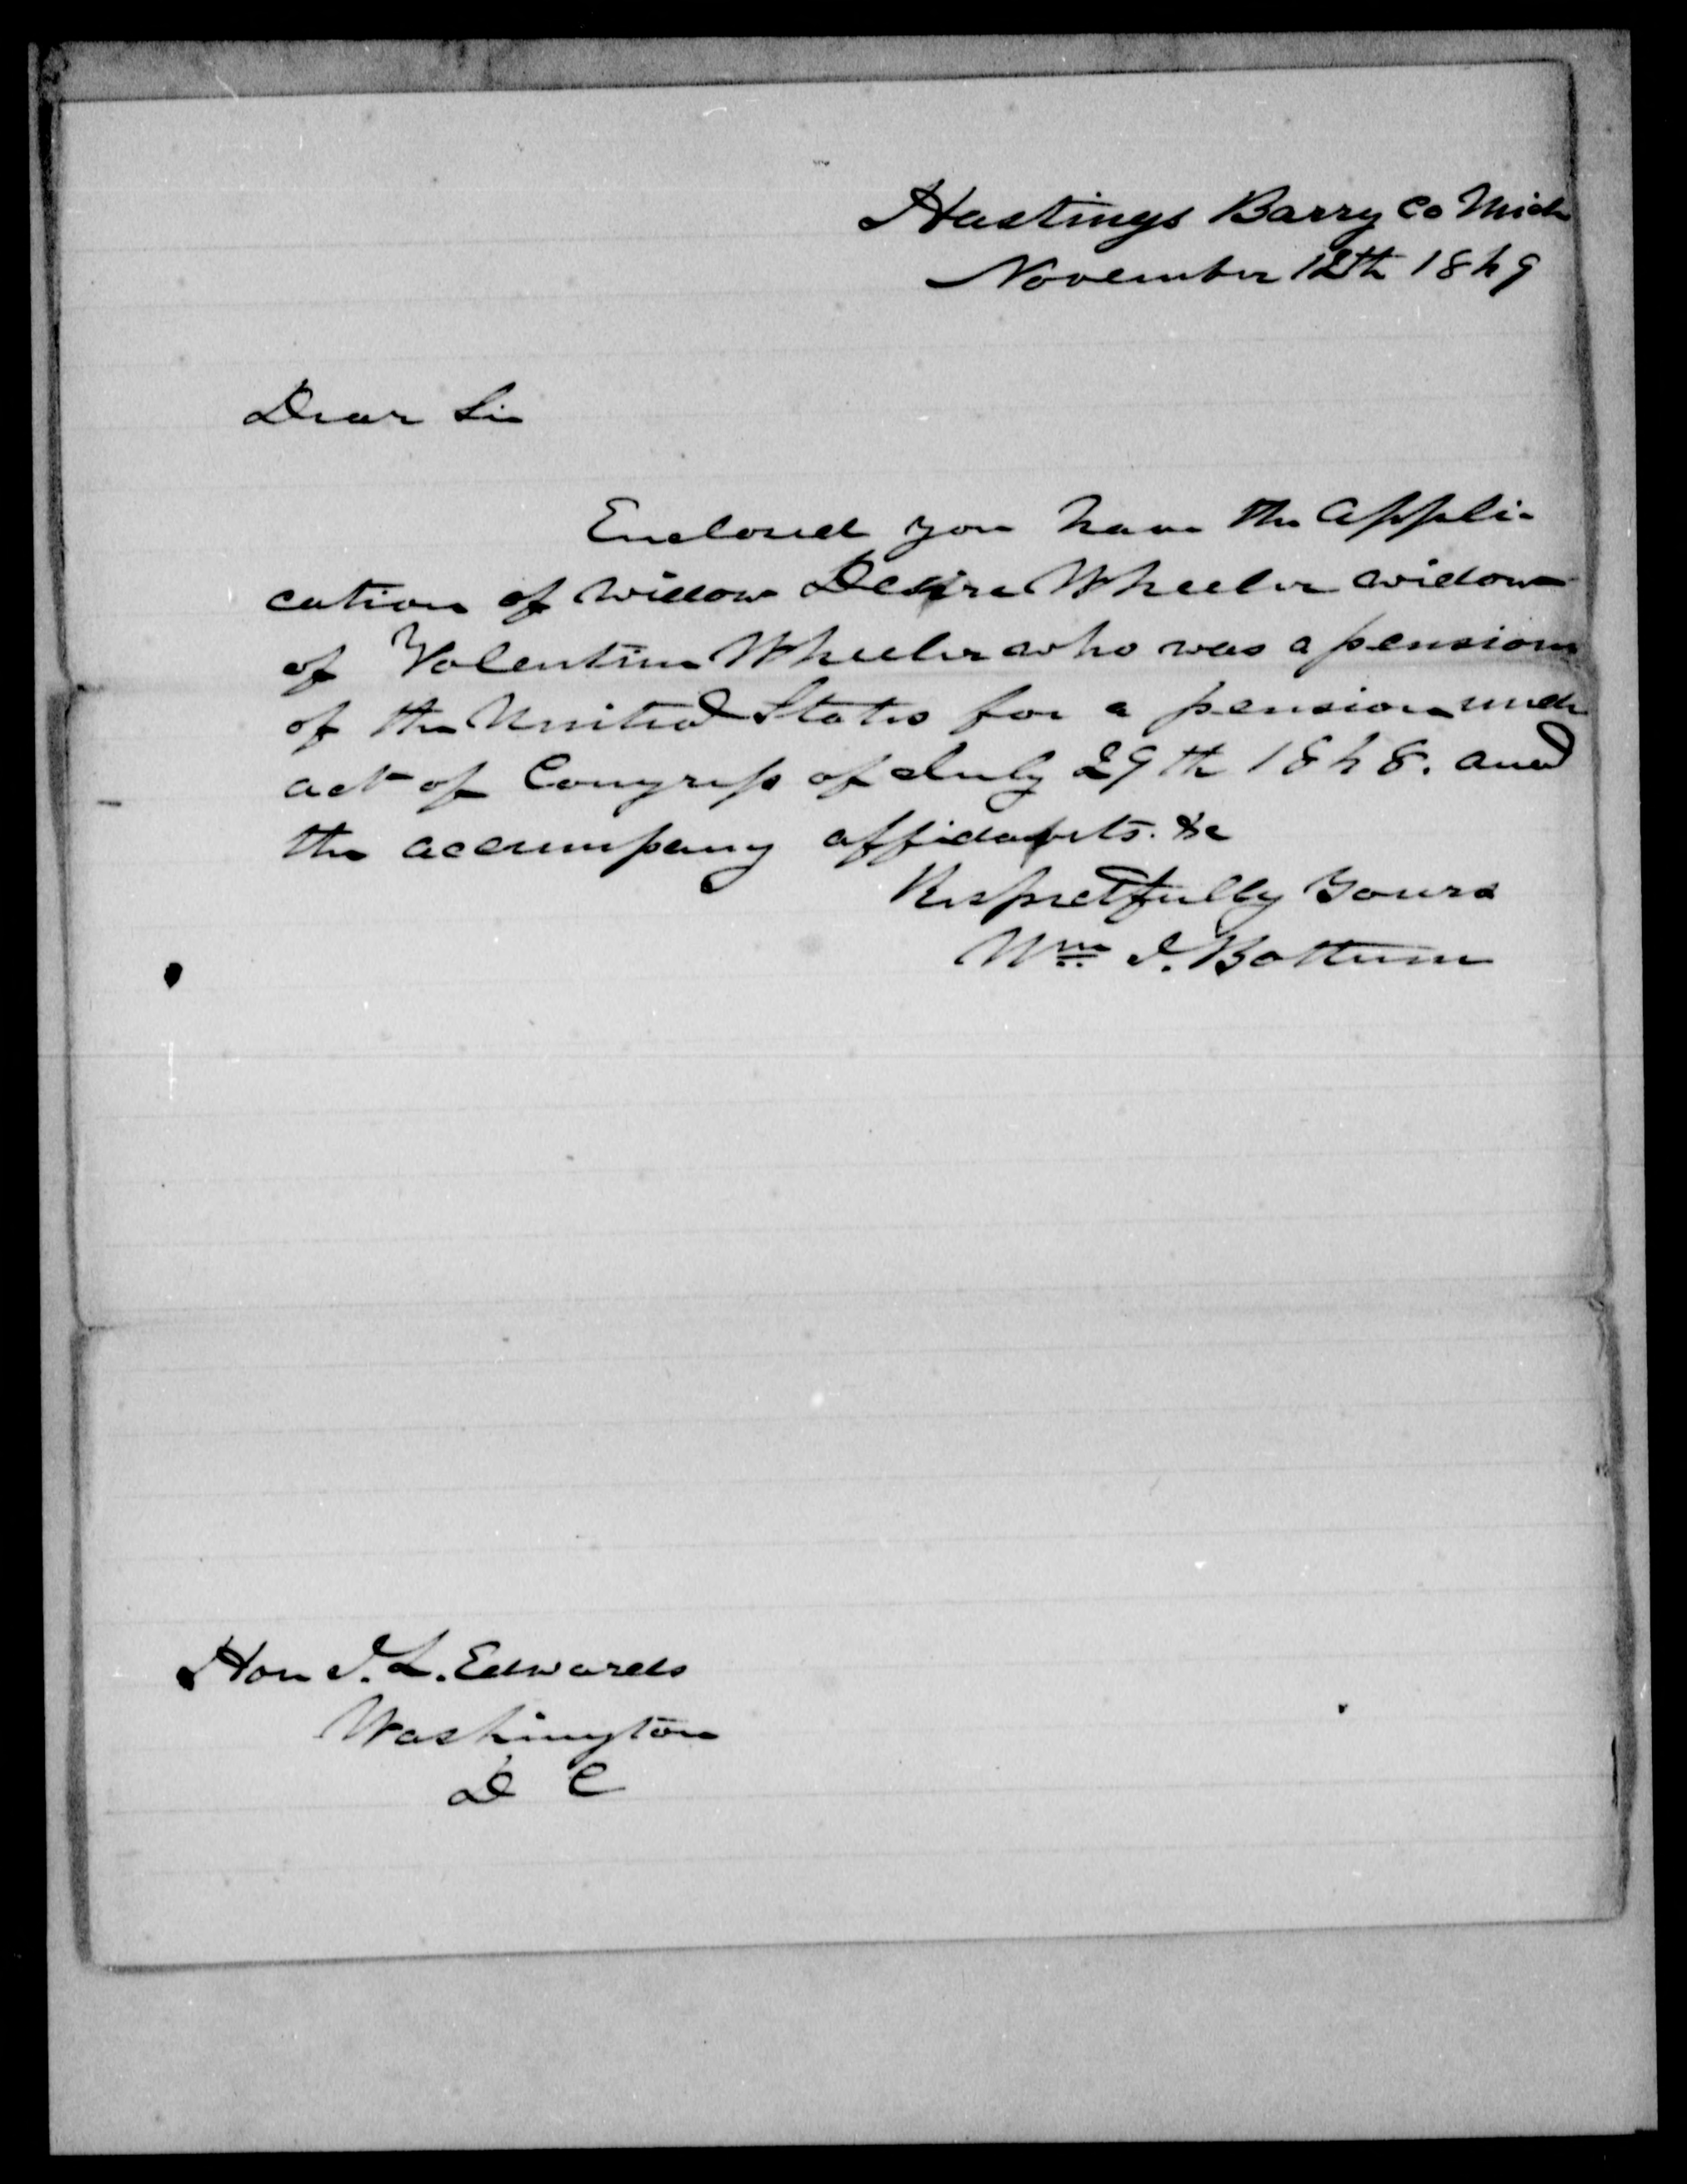Hastings Barry co. Mich.
November 12th 1849

Dear sir,
Enclosed you have the application of widow Desire Wheeler widow of Valentine Wheeler who was a pensioner of the United States for a pension under act of Congress of July 29, 1848 and the accumpany affidavits &c.
Respectfully yours
Wm. J. Bottum


Hon.  J. L. Edwards
Waashington D. C.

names: Desire Wheeler, Volentine Wheeler, Wm J Bottum, J L Edwards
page: 62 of 98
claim: widow's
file: W. 1682, Valentine Wheeler, Mass.